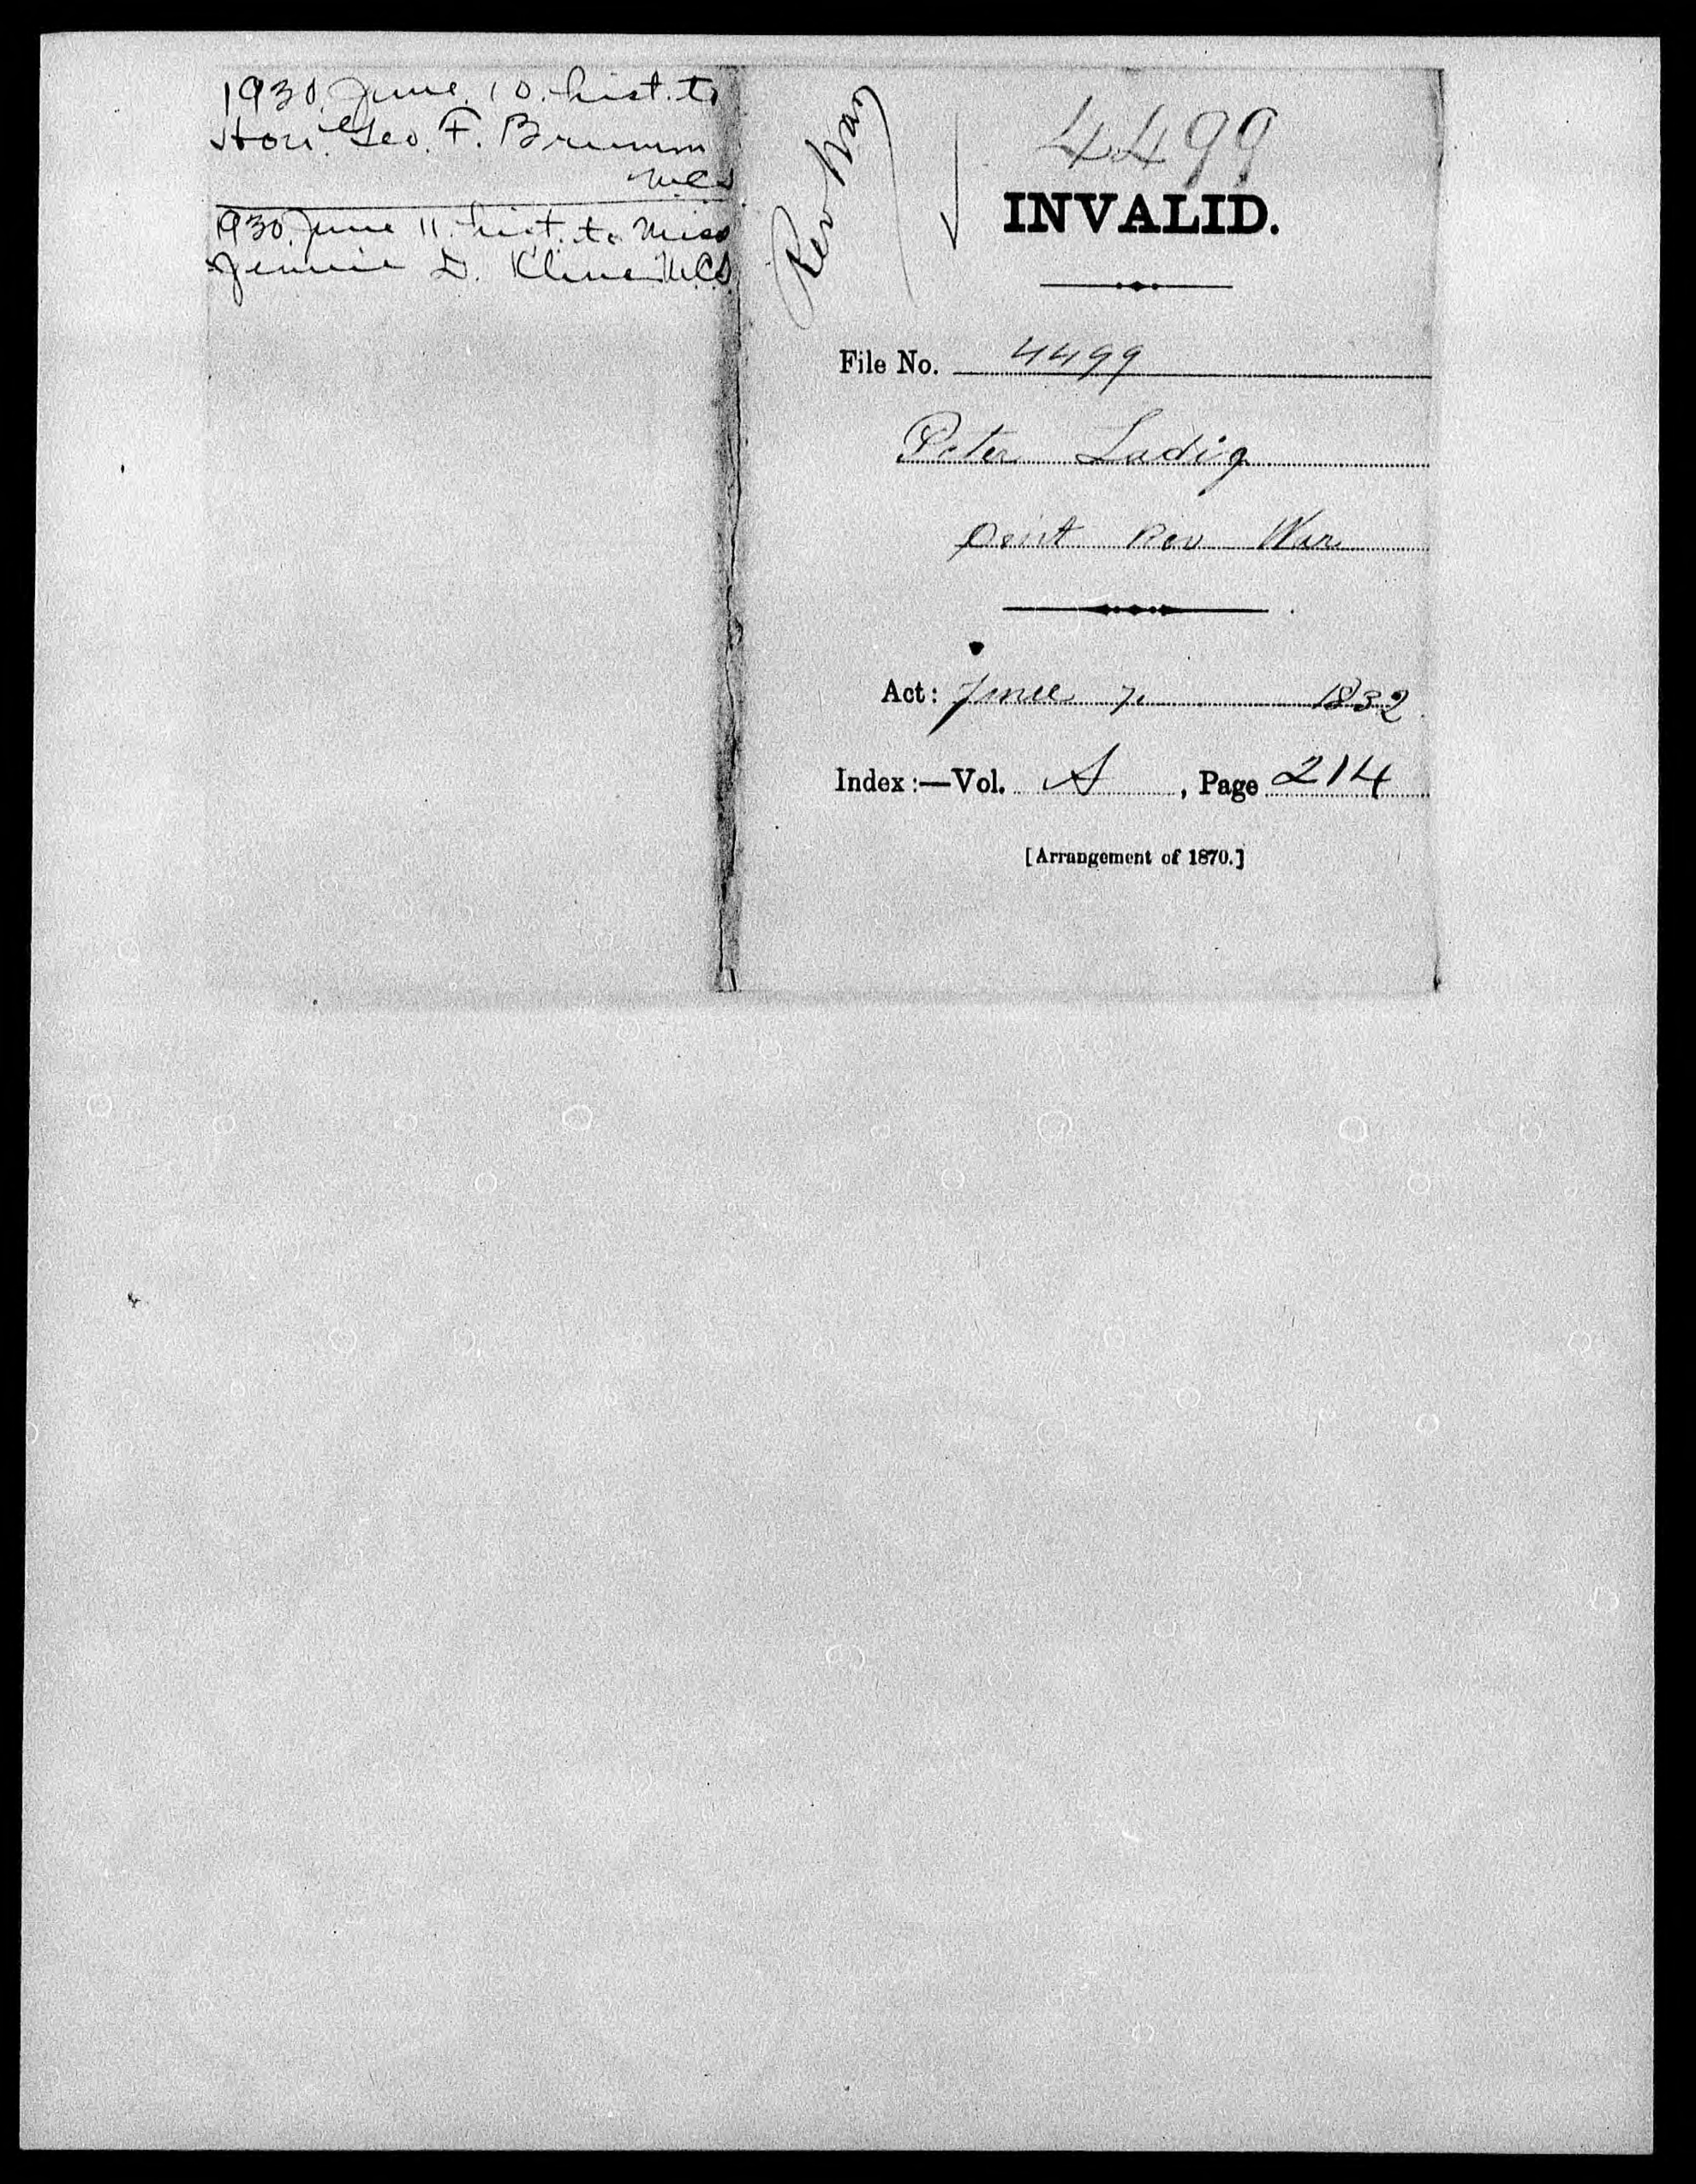1930 June 10 hist. to Hon. Geo. F. Brumm [illegible]

1930 June 11 Hist to Miss Jennie D. Kline [illegible]

[illegible]

4499

INVALID

File No.  4499
Peter Ladig
[illegible] Rev War

Act:  Janu 7, 1932
Index: - Vol. S, Page 214

[Arrangement of 1870.]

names: Jennie D Kline; Peter Ladig; Geo F Brumm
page: 16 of 17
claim: survivor's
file: S. 4499, for Peter Ladig, Pennsylvania